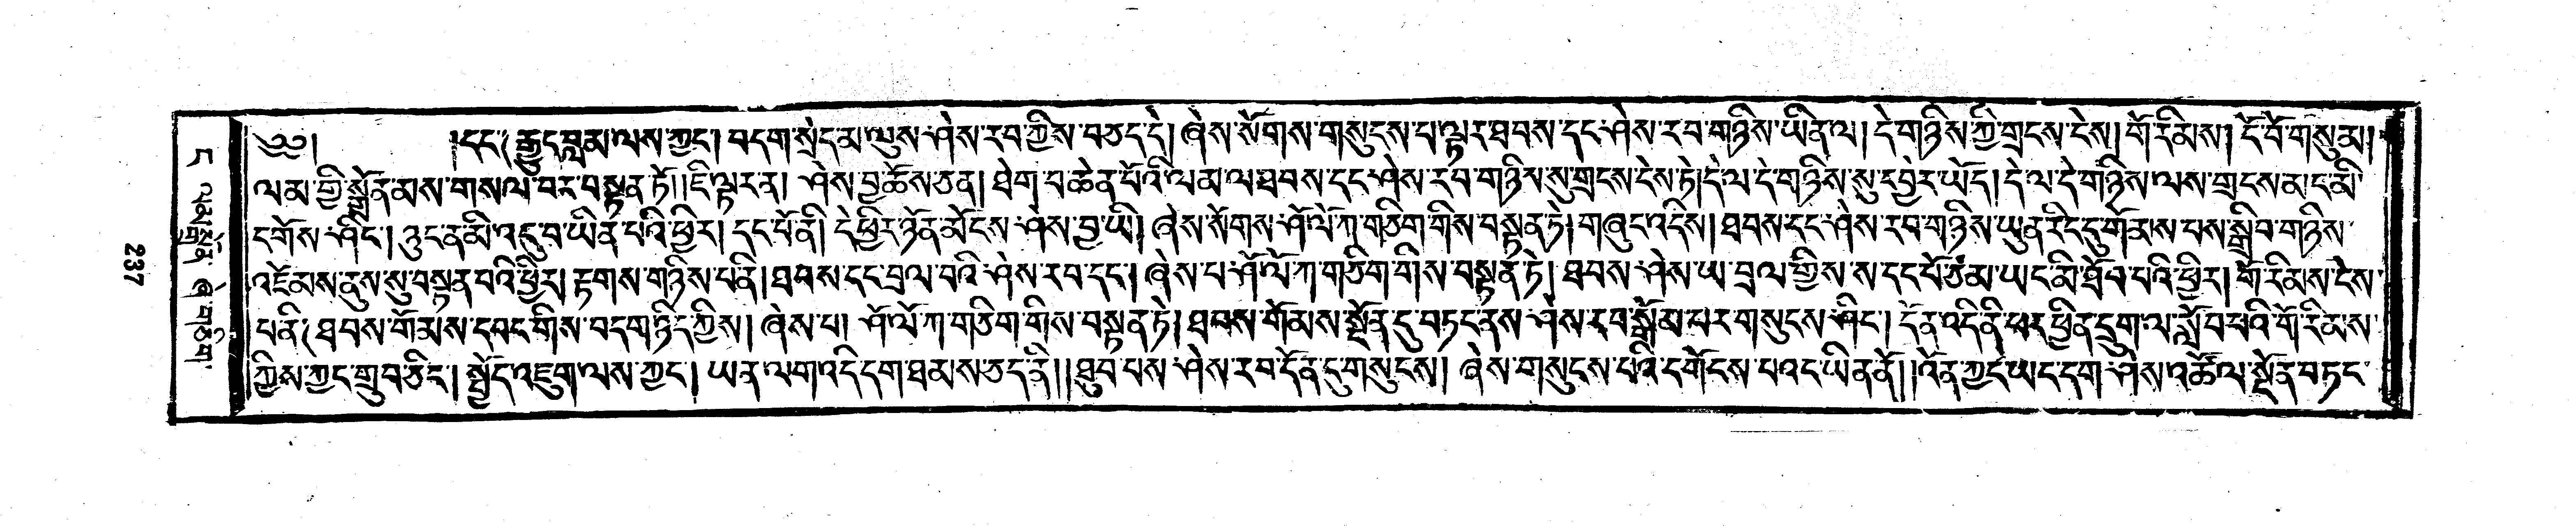༄༅། །དང་། རྒྱུད་བླ་མ་ལས་ཀྱང་། བདག་སྲེད་མ་ལུས་ཤེས་རབ་ཀྱིས་བཅད་དེ། ཞེས་སོགས་གསུངས་པ་ལྟར་ཐབས་དང་ཤེས་རབ་གཉིས་ཡིན་ལ། དེ་གཉིས་ཀྱི་གྲངས་ངེས། གོ་རིམས། ངོ་བོ་གསུམ།
ལམ་གྱི་སྒྲོན་མས་གསལ་བར་བསྟན་ཏོ། །ཇི་ལྟར་ན། ཤེས་བྱ་ཆོས་ཅན། ཐེག་པ་ཆེན་པོའི་ལམ་ལ་ཐབས་དང་ཤེས་རབ་གཉིས་སུ་གྲངས་ངེས་ཏེ། དེ་ལ་དེ་གཉིས་སུ་དབྱེར་ཡོད། དེ་ལ་དེ་གཉིས་ལས་གྲངས་མང་མི་
དགོས་ཤིང་། ཉུང་ན་མི་འདུ་བ་ཡིན་པའི་ཕྱིར། དང་པོ་ནི། དེ་ཕྱིར་ཉོན་མོངས་ཤེས་བྱ་ཡི། ཞེས་སོགས་ཤོ་ལོ་ཀ་གཅིག་གིས་བསྟན་ཏེ། གཞུང་འདིས། ཐབས་དང་ཤེས་རབ་གཉིས་ཡུན་རིང་དུ་གོམས་པས་སྒྲིབ་གཉིས་
འཇོམས་ནུས་སུ་བསྟན་པའི་ཕྱིར། རྟགས་གཉིས་པ་ནི། ཐབས་དང་བྲལ་བའི་ཤེས་རབ་དང་། ཞེས་པ་ཤོ་ལོ་ཀ་གཅིག་གིས་བསྟན་ཏེ། ཐབས་ཤེས་ཡ་བྲལ་གྱིས་ས་དང་པོ་ཙམ་ཡང་མི་ཐོབ་པའི་ཕྱིར། གོ་རིམས་ངེས་
པ་ནི། ཐབས་གོམས་དབང་གིས་བདག་ཉིད་ཀྱིས། ཞེས་པ། ཤོ་ལོ་ཀ་གཅིག་གིས་བསྟན་ཏེ། ཐབས་གོམས་སྔོན་དུ་བཏང་ནས་ཤེས་རབ་སྒོམ་པར་གསུངས་ཤིང་། དོན་འདི་ནི་ཕར་ཕྱིན་དྲུག་ལ་སློབ་པའི་གོ་རིམས་
ཀྱིས་ཀྱང་གྲུབ་ཅིང་། སྤྱོད་འཇུག་ལས་ཀྱང་། ཡན་ལག་འདི་དག་ཐམས་ཅད་ནི། །ཐུབ་པས་ཤེས་རབ་དོན་དུ་གསུངས། ཞེས་གསུངས་པའི་དགོངས་པའང་ཡིན་ནོ། །འོན་ཀྱང་ཡང་དག་ཤེས་འཚོལ་སྔོན་བཏང་